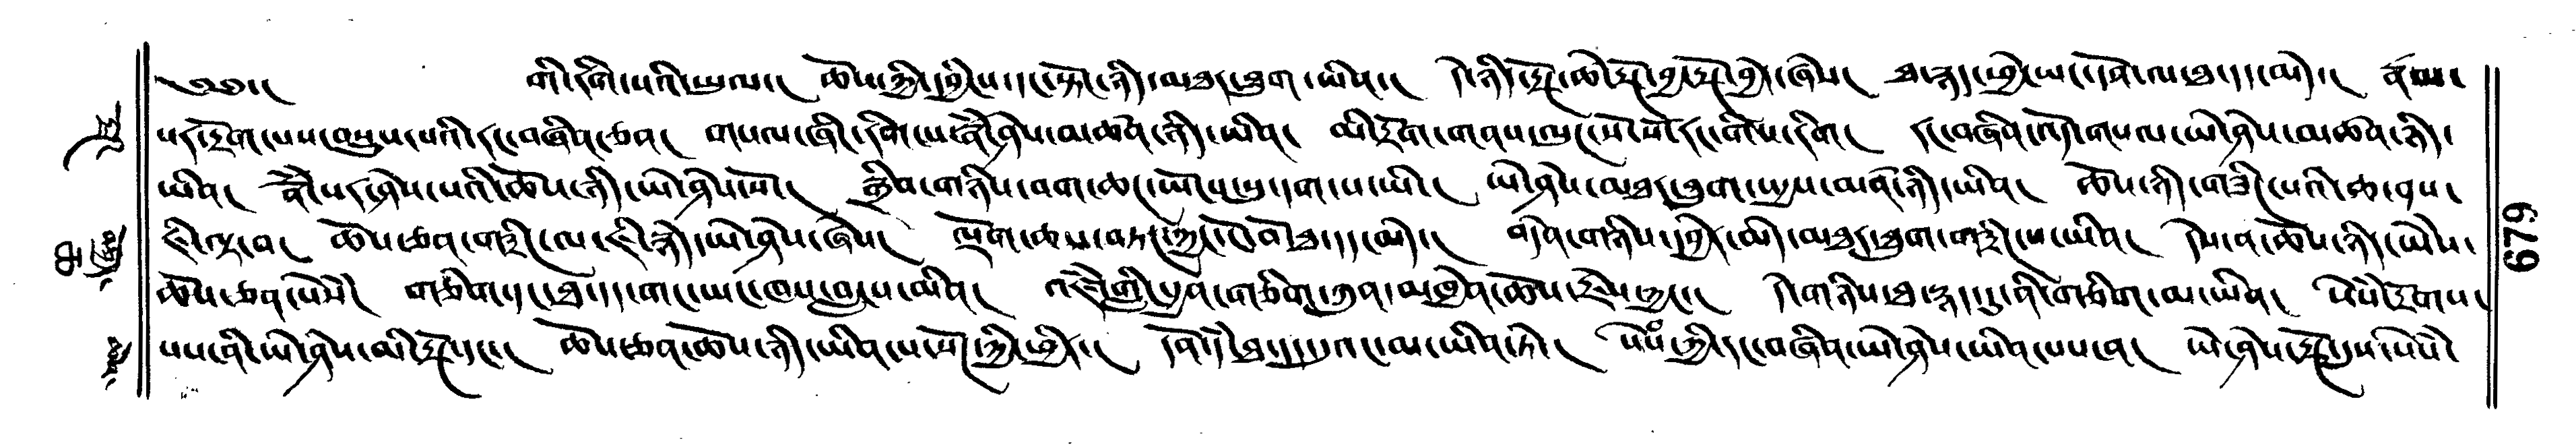གི་རིག་པའི་ཡུལ། །ཆོས་ཀྱི་དབྱིངས་དང་སྟོང་ཉིད་མཐར་ཐུག་ཡིན། །དེ་ཉིད་རྟོགས་ཚེ་རྟོགས་བྱ་རྟོགས་བྱེད་ཞེས། །ཐ་སྙད་ཕྱེ་ཡང་དོན་ལ་ཐ་དད་མེད། །རྣམ་
པར་རྟོག་པས་བསྡུས་པའི་རང་བཞིན་ཅན། །གསལ་ཞིང་རིག་པ་རྣམ་ཤེས་མཚན་ཉིད་ཡིན། །མི་རྟོག་གནས་ལུགས་སོ་སོ་རང་གིས་རིག།རང་བཞིན་འོད་གསལ་ཡེ་ཤེས་མཚན་ཉིད་
ཡིན། །རྣམ་པར་ཤེས་པའི་ཆོས་ཉིད་ཡེ་ཤེས་སོ། །སྒྲིབ་གཉིས་བག་ཆགས་ཡོངས་སུ་དག་པ་ཡི། །ཡེ་ཤེས་མཐར་ཐུག་སངས་རྒྱས་མཚན་ཉིད་ཡིན། །ཆོས་ཉིད་གཟིགས་པའི་ཆ་ནས་
ཇི་ལྟ་བ། །ཆོས་ཅན་གཟིགས་ལ་ཇི་སྙེད་ཡེ་ཤེས་ཞེས། །ལྡོག་ཆས་བཏགས་ཀྱང་ངོ་བོ་ཐ་དད་མེད། །བདེན་གཉིས་དབྱེར་མེད་མཐར་ཐུག་གཟིགས་པ་ཡིན། །དེས་ན་ཆོས་ཉིད་ཡེ་ཤེས་
ཆོས་ཅན་སེམས། །གཅིག་དང་ཐ་དད་གང་ཡང་ཁས་བླངས་མིན། །འཛམ་གླིང་རྒྱན་གཅིག་ཀུན་མཁྱེན་ཆོས་རྗེས་ཀྱང་། །དེ་གཉིས་ཐ་སྙད་དུ་ནི་གཅིག་མ་ཡིན། །སེམས་རྟོགས་
པས་ན་ཡེ་ཤེས་མི་རྟོགས་དང་། །ཆོས་ཅན་ཆོས་ཉིད་ཡིན་པ་སོགས་ཀྱི་ཕྱིར། །དོན་དམ་ཐ་དད་དུའང་མ་ཡིན་ཏེ། །སེམས་ཀྱི་རང་བཞིན་ཡེ་ཤེས་ཡིན་པས་ན། །ཡེ་ཤེས་རྟོགས་དུས་སེམས་